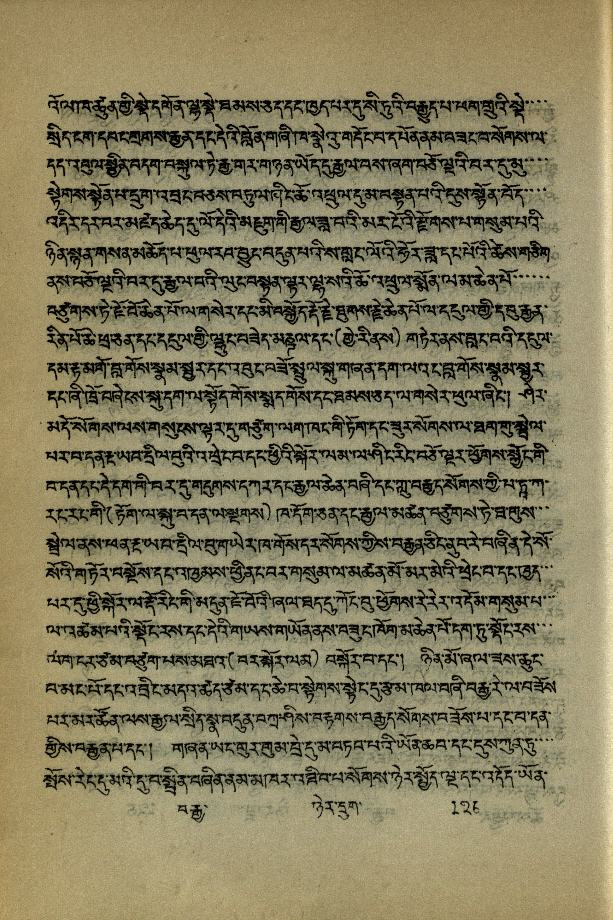འོལ་ཁ་ཚུན་གྱི་སྡེ་དགོན་ལྷ་སྡེ་ཐམས་ཅད་དང་ཁྱད་པར་དུ་སི་ཏུའི་བརྒྱུད་པ་ཕག་གྲུའི་སྡེ་
སྲིད་ངག་དབང་གྲགས་རྒྱན་དང་དེའི་བློན་གཞི་ཁ་སྣེའུ་གདོང་བ་དཔོན་ནམ་བཟང་བ་སོགས་ལ་
དད་འབུལ་སྦྱིན་བདག་བསྐུལ་ཏེ་རྒྱ་གར་གཉན་ཡོད་དུ་རྒྱལ་བས་ཞག་བཅོ་ལྔའི་བར་དུ་མུ་
སྟེགས་སྟོན་པ་དྲུག་འབྲང་བཅས་བཏུལ་ཞིང་ཆོ་འཕྲུལ་དུ་མ་བསྟན་པའི་དུས་སྟོན་བོད་
འདིར་དར་བར་མཛད་ཆེད་དུ་ལོ་དེའི་མཇུག་གི་རྒྱལ་ཟླ་བའི་མར་ངོའི་རྫོགས་པ་གསུམ་པའི་
ཉིན་སྙན་གསན་མཆོད་པ་ཕུལ་རབ་བྱུང་བདུན་པའི་ས་གླང་ལོའི་ཧོར་ཟླ་དང་པོའི་ཚེས་གཅིག་
ནས་བཅོ་ལྔའི་བར་དུ་རྒྱལ་བའི་ལུང་བསྟན་ལྟར་ལྷ་སའི་ཆོ་འཕྲུལ་སྨོན་ལམ་ཆེན་པོ་
བཙུགས་ཏེ་ཇོ་བོ་ཆེན་པོ་ལ་གསེར་དང་མི་བསྐྱོད་རྡོ་རྗེ་ཐུགས་རྗེ་ཆེན་པོ་ལ་དངུལ་གྱི་དབུ་རྒྱན་
རིན་པོ་ཆེ་ཕྲ་ཅན་དང་དངུལ་གྱི་ལྷུང་བཟེད་མཎྜལ་དང་གྱེ་རི་ནས་གཏེར་ནས་བླང་བའི་དངུལ་
དམ་རྟ་མགོ་བླ་གོས་སྣམ་སྦྱར་དང་འབུང་བཟོ་སྤྲུལ་སྐུ་གཞན་དག་ལའང་བླ་གོས་སྣམ་སྦྱར་
དང་ཞི་ཁྲོ་བཞེངས་སྐུ་དག་ལ་སྟོད་གོས་སྨད་གོས་དང་ཐམས་ཅད་ལ་གསེར་ཕུལ་ཞིང་། ཤེར་
མདོ་སོགས་ལས་གསུངས་ལྟར་དུ་གཙུག་ལག་ཁང་གི་ཏོག་དང་ཟུར་སོགས་ལ་ཐག་གུ་སྦྲེལ་
པར་བ་དན་རྔ་ཡབ་དྲིལ་བུའི་འཕྲེང་བ་དང་ཕྱིའི་སྐོར་ལམ་ལ་ཤིང་རིང་བཅོ་ལྔར་ཕྱོགས་སྐྱོང་གི་
བ་དན་དང་དེ་དག་གི་བར་དུ་གདུགས་དཀར་དང་རྒྱལ་ཆེན་བཞི་དང་ཀླུ་བརྒྱད་སོགས་ཀྱི་པ་ཏཱ་ཀ་
རང་རང་གི་ཏོག་ལ་སྐུ་བ་དན་ལ་སྔགས་ཁ་དོག་ཅན་དང་རྒྱལ་མཚན་བཙུགས་ཏེ་ཐ་གུས་
སྦྲེལ་ནས་ཕན་རྔ་ཡབ་དྲིལ་བུ་གཡེར་ཁ་གོས་དར་སོགས་ཀྱིས་བརྒྱན་ཅིང་ནུབ་རེ་བཞིན་དེ་སོ་
སོའི་གཏོར་བསྔོས་དང་འཁྱམས་ཕྱི་ནང་བར་གསུམ་ལ་མཚན་མོ་མར་མེའི་ཕྲེང་བ་དང་ཁྱད་
པར་དུ་ཕྱི་སྐོར་ལ་རྡོ་རིང་གི་མདུན་ཇོ་བོའི་ཞལ་ཐད་དུ་ཀོང་བུ་ཕྱོགས་རེ་རེར་འདོམ་གསུམ་པ་
ལ་འཚམ་པའི་སྡོང་རས་དང་དེའི་གཡས་གཡོན་ནས་བཟུང་ཁོག་མ་ཆེན་པོ་དག་ཏུ་སྡོང་རས་
ལག་ངར་ཙམ་བཙུག་པས་མཐའབར་སྐོར་ལམབསྐོར་བ་དང་། ཉིན་མོ་ཞལ་ཟས་ཆུང་
བ་མང་པོ་དང་འབྲིང་མདའ་ཚད་ཙམ་དང་ཆེ་བ་སྟེགས་སྟེང་དུ་རྩམ་ཁལ་བཞི་བརྒྱ་རེ་ལ་བཟོས་
པར་མར་ཚོན་ལས་རྒྱལ་སྲིད་སྣ་བདུན་བཀྲ་ཤིས་བརྟགས་བརྒྱད་སོགས་བཟོས་པ་དང་བ་དན་
གྱིས་བརྒྱན་པ་དང་། གཞན་ཡང་གུར་གུམ་བྲེ་དུ་མ་བཏབ་པའི་ཡོན་ཆབ་དང་དུས་ཀུན་ཏུ་
སྤོས་རེང་དུ་མའི་དུ་བ་སྤྲིན་བཞིན་ནམ་མཁར་འཐིབ་པ་སོགས་ཉེར་སྤྱོད་ལྔ་དང་འདོད་ཡོན་